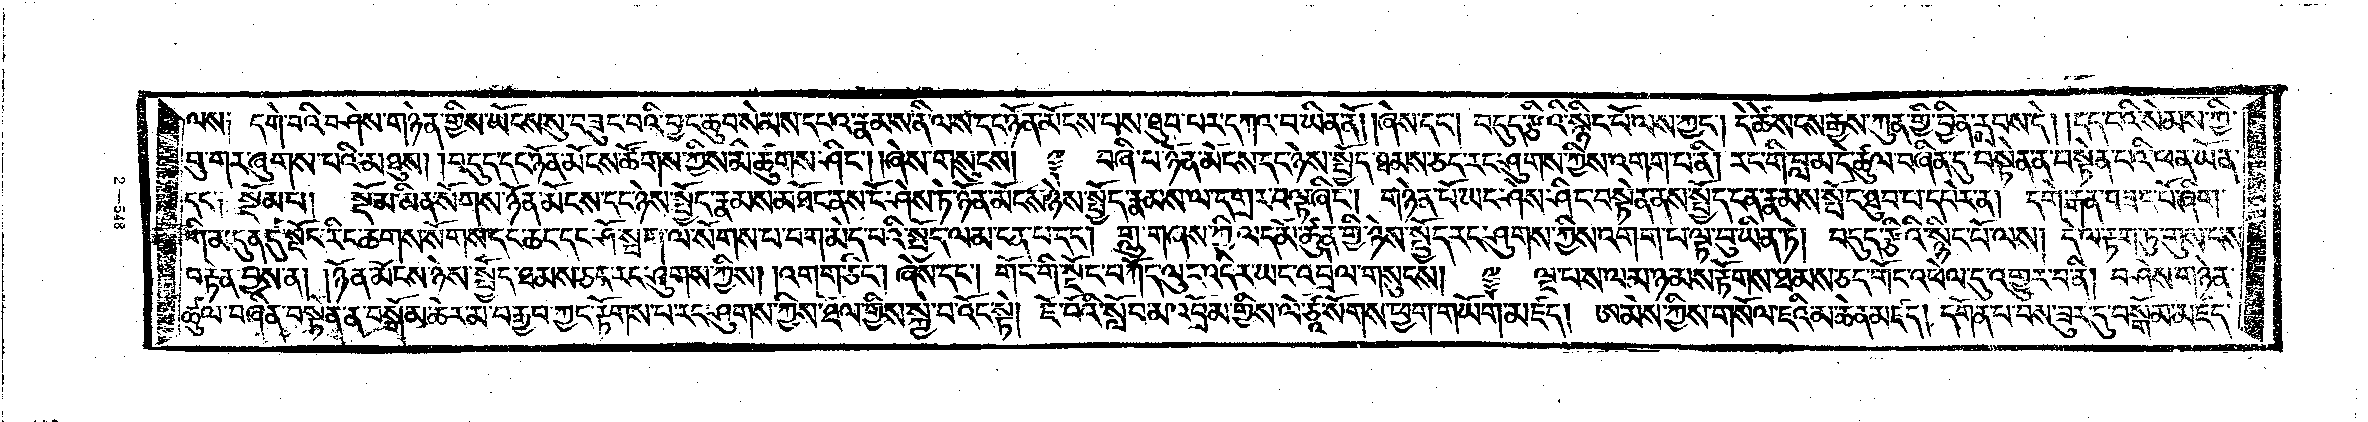?། དགེ་བའི་བཤེས་གཉེན་གྱིས་ཡོངས་སུ་བཟུང་བའི་བྱང་ཆུབ་སེམས་དཔའ་རྣམས་ནི་ལས་དང་ཉོན་མོངས་པས་ཐུབ་པར་དཀའ་བ་ཡིན་ནོ། །ཞེས་དང་། བདུད་རྩིའི་སྙིང་པོ་ལས་ཀྱང་། དེ་ཚེ་སངས་རྒྱས་ཀུན་གྱི་བྱིན་རླབས་དེ། །དད་པའི་སེམས་ཀྱི་
ཐུ?་གར་ཞུགས་པའི་མཐུས། །བདུད་དང་ཉོན་མོངས་ཚོགས་ཀྱིས་མི་ཚུགས་ཤིང་། །ཞེས་གསུངས། ༈ བཞི་པ་ཉོན་མོངས་དང་ཉེས་སྤྱོད་ཐམས་ཅད་རང་ཤུགས་ཀྱིས་འགག་པ་ནི། རང་གི་བླ་མ་དེ་ཚུལ་བཞིན་དུ་བསྟེན་ན་བསྟེན་པའི་ཕན་ཡོན་
དང་། སྡོམ་པ། སྡོམ་མིན་སོགས་ཉོན་མོངས་དང་ཉེས་སྤྱོད་རྣམས་མཐོང་ནས་ངོ་ཤེས་ཏེ་ཉོན་མོངས་ཉེས་སྤྱོད་རྣམས་ལ་དགྲར་བལྟ་ཞིང་། གཉེན་པོ་ཡང་ཤེས་ཤིང་བསྟེན་ནས་སྤྱོད་ངན་རྣམས་སྤོང་ཐུབ་པ་དཔེར་ན། དགེ་རྒན་བཟང་པོ་ཞིག་
གི་མདུན་དུ་སྡོང་རིང་ཆགས་སོགས་དང་ཆང་དང་ཤོ་སྦག་ལ་སོགས་པ་བག་མེད་པའི་སྤྱོད་ལམ་ངན་པ་དང་། གླུ་གཞས་ཀྱི་ལད་མོ་ཚུན་གྱི་ཉེས་སྤྱོད་རང་ཤུགས་ཀྱིས་འགག་པ་ལྟ་བུ་ཡིན་ཏེ། བདུད་རྩིའི་སྙིང་པོ་ལས། དེ་ལ་རྟག་ཏུ་གུས་པས་
བརྟེན་བྱས་ན། །ཉོན་མོངས་ཉེས་སྤྱོད་ཐམས་ཅད་རང་ཤུགས་ཀྱིས། །འགག་ཅིང་། ཞེས་དང་། གོང་གི་སྡོང་བཀོད་ལུང་འདིར་ཡང་འབྲེལ་གསུངས། ༈ ལྔ་པས་ལམ་ཉམས་རྟོགས་ཐམས་ཅད་གོང་འཕེལ་དུ་འགྱུར་བ་ནི། བཤེས་གཉེན་
ཚུལ་བཞིན་བསྟེན་ན་བསྒོམ་ཆེར་མ་བརྒྱབ་ཀྱང་རྟོགས་པ་རང་ཤུགས་ཀྱིས་ཐོལ་གྱིས་སྐྱེ་བ་འོང་སྟེ། ཇོ་བོའི་སློབ་མ་འབྲོམ་གྱིས་ལོ་ཙཱ་སོགས་ཕྱག་གཡོག་མཛད། ཨ་མེས་ཀྱིས་གསོལ་ཇའི་མ་ཆེན་མཛད། དགོན་ཕ་བས་ཟུར་དུ་བསྒོམ་མཛད་